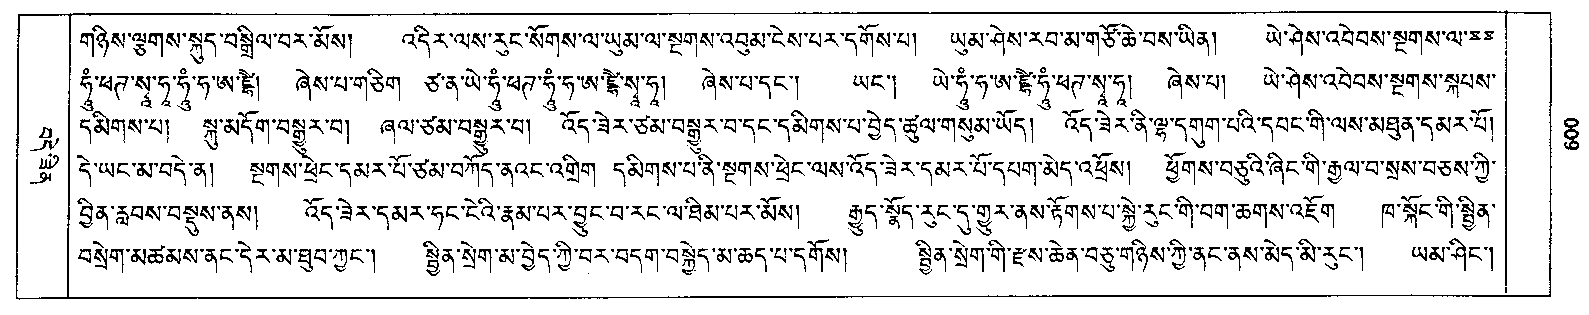གཉིས་ལྕགས་སྐུད་བསྒྲིལ་བར་མོས། འདིར་ལས་རུང་སོགས་ལ་ཡུམ་ལ་སྔགས་འབུམ་ངེས་པར་དགོས་པ། ཡུམ་ཤེས་རབ་མ་གཙོ་ཆེ་བས་ཡིན། ཡེ་ཤེས་འབེབས་སྔགས་ལ་྾་྾་
ཧཱུཾ་ཕཊ་སྭཱ་ཧཱ་ཧཱུཾ་ཧ་ཨ་ཛྷཻ། ཞེས་པ་གཅིག་ཙ་ན་ཡེ་ཧཱུཾ་ཕཊ་ཧཱུཾ་ཧ་ཨ་ཛྷཻ་སྭཱ་ཧཱ། ཞེས་པ་དང་། ཡང་། ཡེ་ཧཱུཾ་ཧ་ཨ་ཛྷཻ་ཧཱུཾ་ཕཊ་སྭཱ་ཧཱ། ཞེས་པ། ཡེ་ཤེས་འབེབས་སྔགས་སྐབས་
དམིགས་པ། སྐུ་མདོག་བསྒྱུར་བ། ཞལ་ཙམ་བསྒྱུར་བ། འོད་ཟེར་ཙམ་བསྒྱུར་བ་དང་དམིགས་པ་བྱེད་ཚུལ་གསུམ་ཡོད། འོད་ཟེར་ནི་ལྷ་དགུག་པའི་དབང་གི་ལས་མཐུན་དམར་པོ།
དེ་ཡང་མ་བདེ་ན། སྔགས་ཕྲེང་དམར་པོ་ཙམ་བཀོད་ནའང་འགྲིག་དམིགས་པ་ནི་སྔགས་ཕྲེང་ལས་འོད་ཟེར་དམར་པོ་དཔག་མེད་འཕྲོས། ཕྱོགས་བཅུའི་ཞིང་གི་རྒྱལ་བ་སྲས་བཅས་ཀྱི་
བྱིན་རླབས་བསྡུས་ནས། འོད་ཟེར་དམར་ཧང་ངེའི་རྣམ་པར་བྱུང་བ་རང་ལ་ཐིམ་པར་མོས། རྒྱུད་སྣོད་རུང་དུ་གྱུར་ནས་རྟོགས་པ་སྐྱེ་རུང་གི་བག་ཆགས་འཇོག་ཁ་སྐོང་གི་སྦྱིན་
བསྲེག་མཚམས་ནང་དེར་མ་ཐུབ་ཀྱང་། སྦྱིན་སྲེག་མ་བྱེད་ཀྱི་བར་བདག་བསྐྱེད་མ་ཆད་པ་དགོས། སྦྱིན་སྲེག་གི་རྫས་ཆེན་བཅུ་གཉིས་ཀྱི་ནང་ནས་མེད་མི་རུང་། ཡམ་ཤིང་།